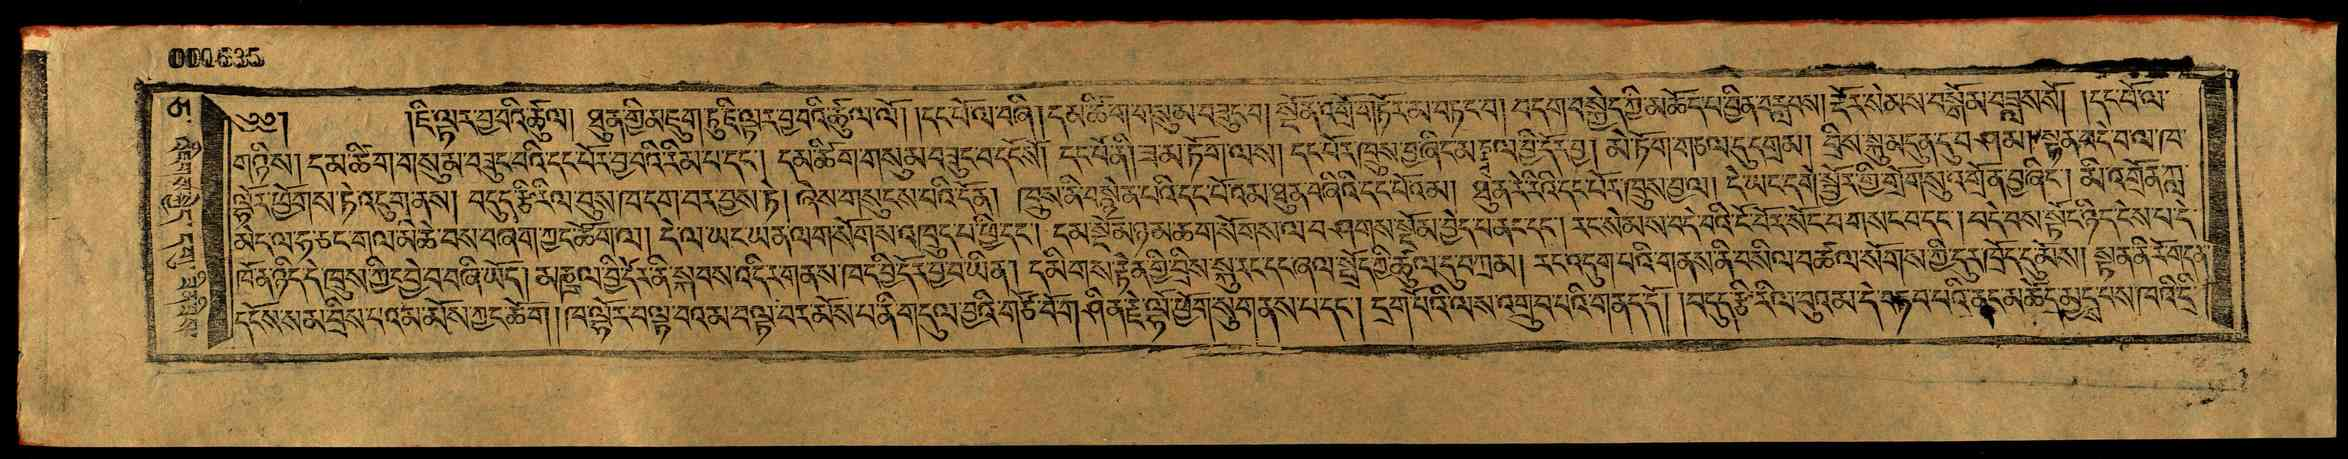༄༅། །ཇི་ལྟར་བྱ་བའི་ཚུལ། ཐུན་གྱི་མཇུག་ཏུ་ཇི་ལྟར་བྱ་བའི་ཚུལ་ལོ། །དང་པོ་ལ་བཞི། དམ་ཚིག་གསུམ་བཟུང་བ། སྔོན་འགྲོ་གཏོར་མ་བཏང་བ། བདག་བསྐྱེད་ཀྱི་མཆོད་པ་བྱིན་བརླབས། རྡོར་སེམས་བསྒོམ་བཟླས་སོ། །དང་པོ་ལ་
གཉིས། དམ་ཚིག་གསུམ་བཟུང་བའི་དང་པོར་བྱ་བའི་རིམ་པ་དང་། དམ་ཚིག་གསུམ་བཟུང་བ་དངོས་སོ། དང་པོ་ནི། ཟ་མ་ཏོག་ལས། དང་པོར་ཁྲུས་བྱ་ཞིང་མཎྜལ་བྱི་དོར་བྱ། མེ་ཏོག་གཅལ་དུ་དགྲམ། བྲིས་སྐུ་མདུན་དུ་བཤམ། སྟན་བདེ་བ་ལ་ཁ་
ལྷོར་ཕྱོགས་ཏེ་འདུག་ནས། བདུད་རྩི་རིལ་བུས་ཁ་དག་པར་བྱས་ཏེ། ཞེས་གསུངས་པའི་དོན། ཁྲུས་ནི་བསྙེན་པའི་དང་པོའམ་ཐུན་བཞིའི་དང་པོའམ། ཐུན་རེ་རེའི་དང་པོར་ཁྲུས་བྱ་ལ། དེ་ཡང་དགེ་སྦྱོར་གྱི་གྲོགས་སུ་འགྲོ་ན་བྱ་ཞིང་། མི་འགྲོ་ན་བླ་
མེད་ལ་ཧ་ཅང་གལ་མི་ཆེ་བས་བཞག་ཀྱང་ཆོག་ལ། དེ་ལ་ཡང་ཡན་ལག་སོགས་འཁྲུད་པ་ཕྱི་དང་། དམ་སྡོམ་ཉམ་ཆག་སོགས་ལ་བཤགས་སྡོམ་བྱེད་པ་ནང་དང་། རང་སེམས་བདེ་བའི་ངོ་བོར་སོང་བ་གསང་བ་དང་། བདེ་བས་སྟོང་ཉིད་ངེས་པ་དེ་
ཁོ་ན་ཉིད་དེ་ཁྲུས་ཀྱི་དབྱེ་བ་བཞི་ཡོད། མཎྜལ་བྱི་དོར་ནི་སྐབས་འདིར་གནས་ཁང་བྱི་དོར་བྱ་བ་ཡིན། དམིགས་རྟེན་གྱི་བྲིས་སྐུ་རང་དང་ཞལ་སྤྲོད་ཀྱི་ཚུལ་དུ་བཀྲམ། རང་འདུག་པའི་གནས་ནི་བསིལ་བ་ཚལ་སོགས་ཀྱི་དུར་ཁྲོད་དུ་མོས། སྟན་ནི་རོ་གདན་
དངོས་སམ་བྲིས་པའམ་མོས་ཀྱང་ཆོག །ཁ་ལྷོར་བལྟ་བའམ་བལྟ་བར་མོས་པ་ནི་གདུལ་བྱའི་གཙོ་བོ་གཤིན་རྗེ་ལྷོ་ཕྱོགས་སུ་གནས་པ་དང་། དྲག་པོའི་ལས་འགྲུབ་པའི་གནད་དོ། །བདུད་རྩི་རིལ་བུའམ་དེ་བཏབ་པའི་ནང་མཆོད་མྱངས་པས་ཁའི་དྲི་